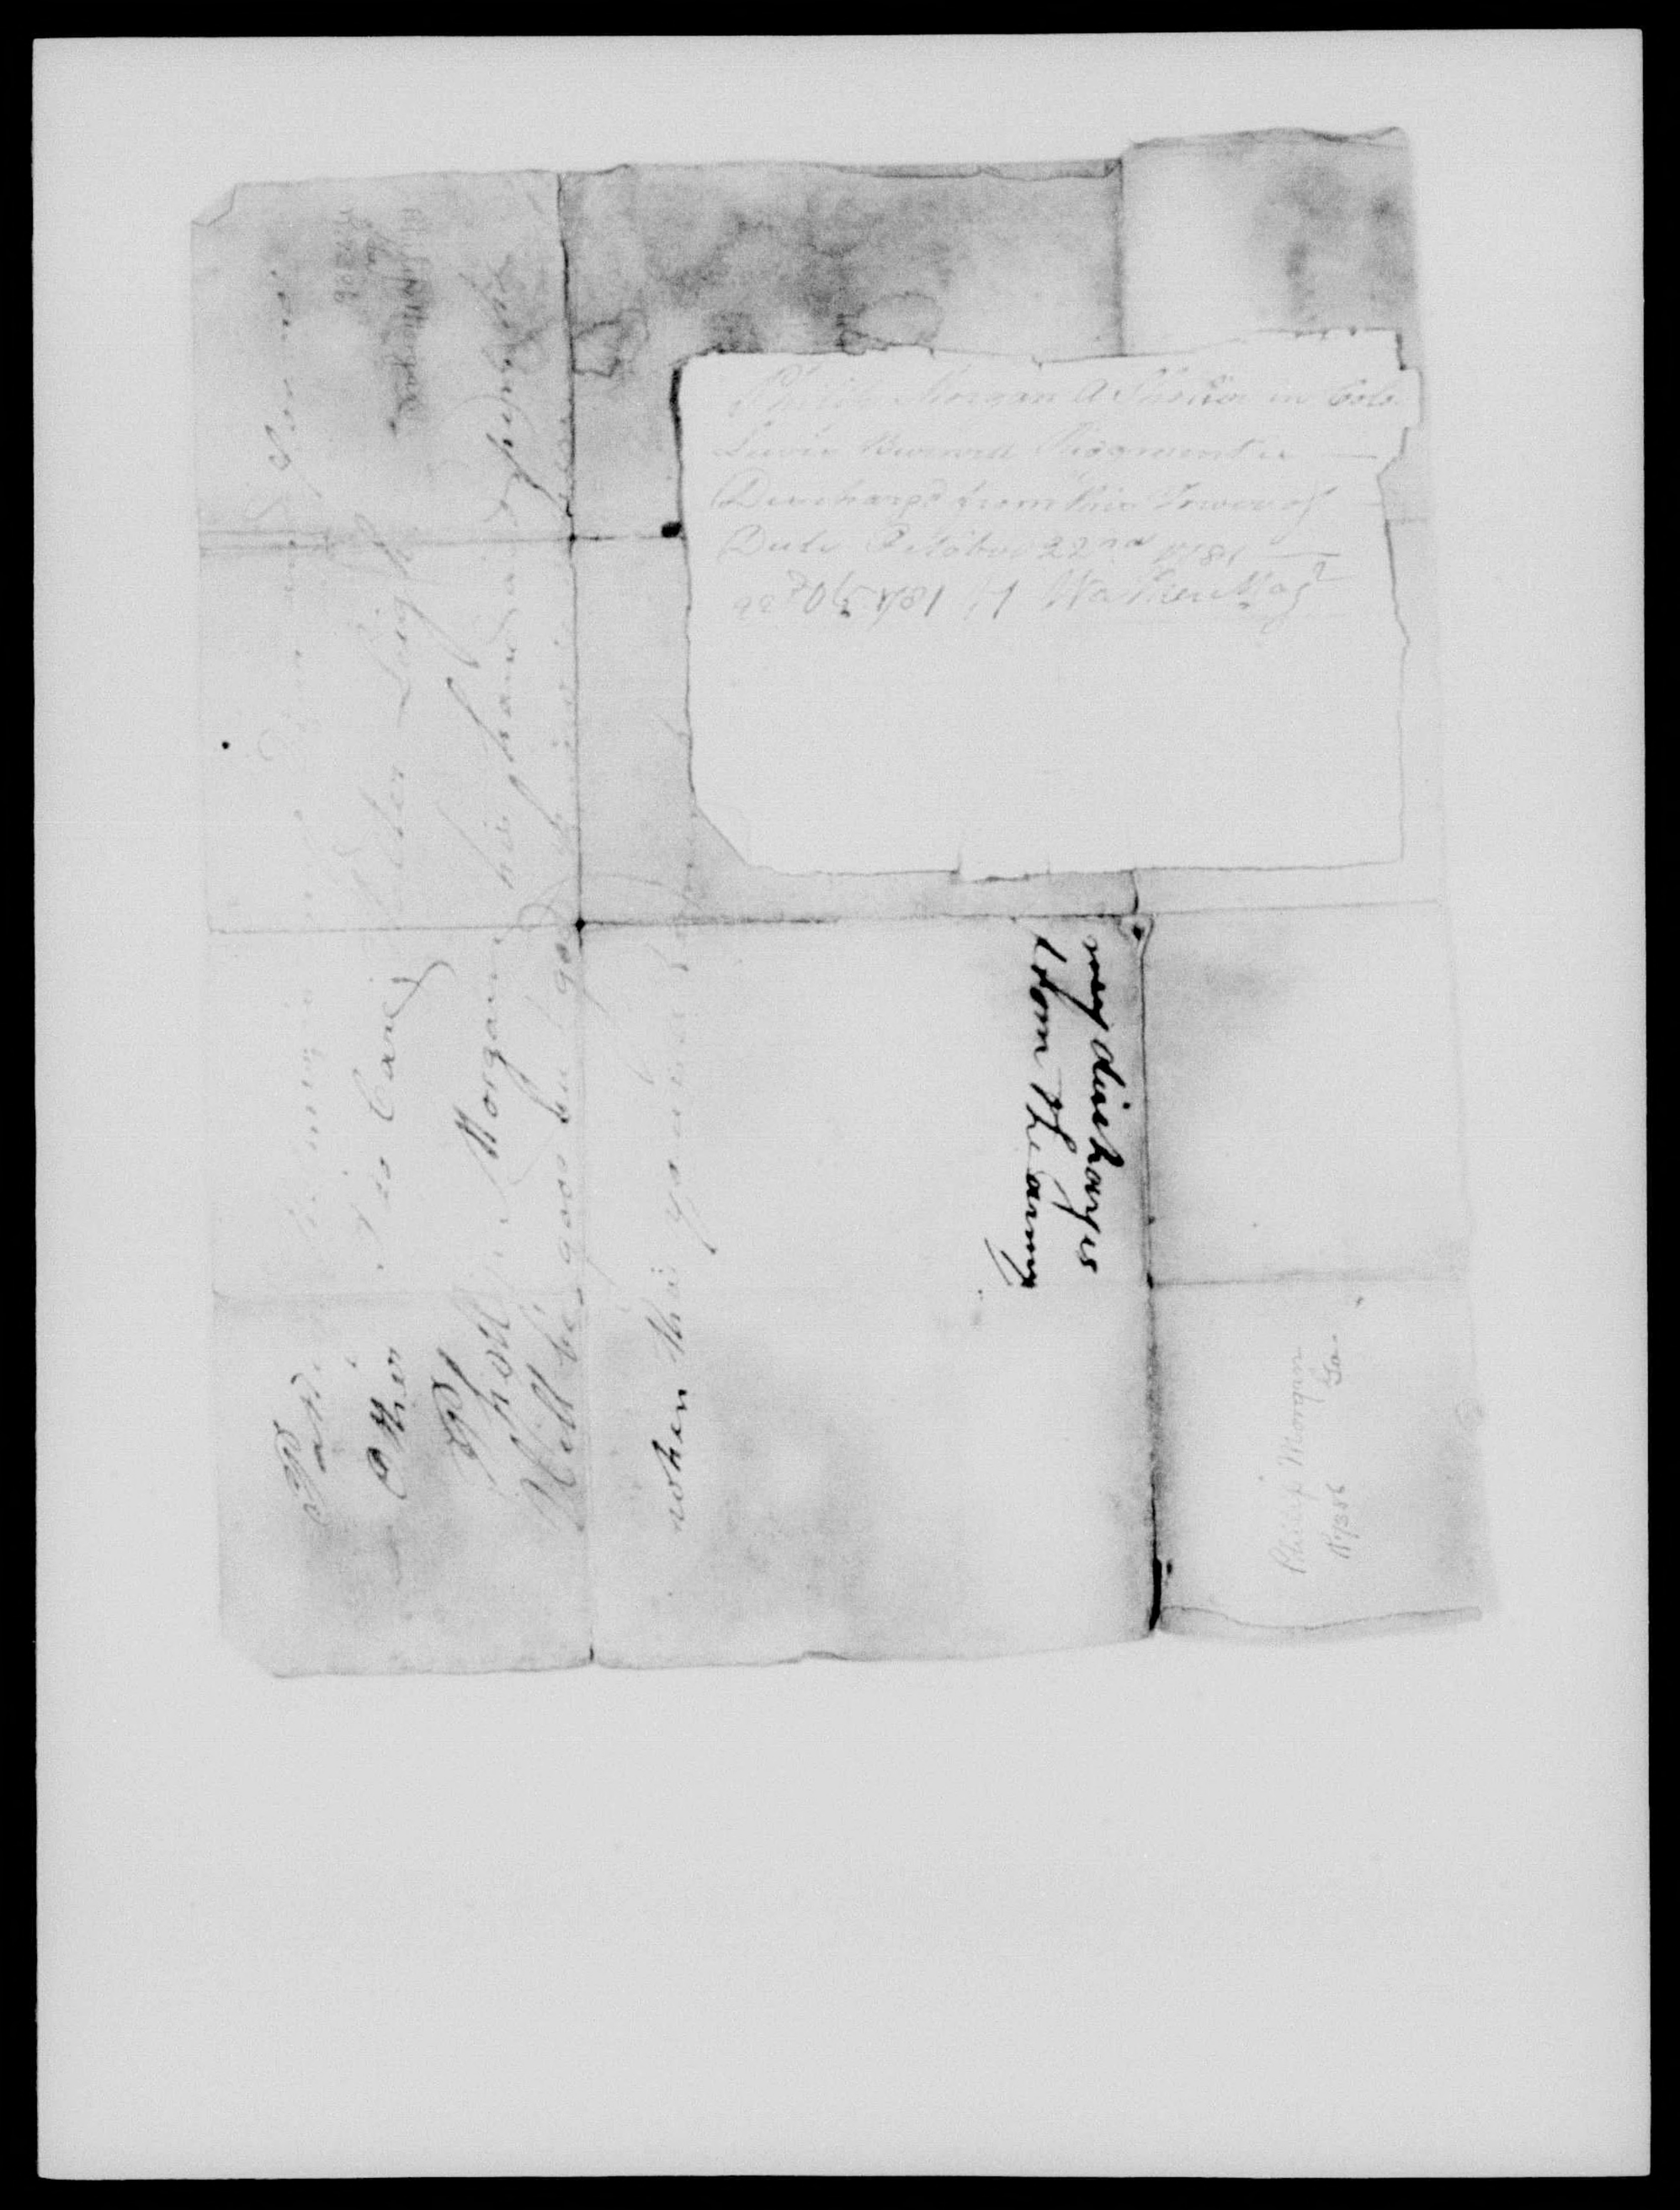Philip Morgan a [illegible] in Col
[illegible] [illegible] Regiment is
Discharged from this Tower of
Duly October 22nd 1781
[illegible] Walker May
[* [illegible] discharge is from the army*]
[*Philip Morgan R7386 Ga*]
[*Patsey Morgan [illegible][illegible] [illegible]
Other [illegible] Care [illegible] [illegible]
Phillip Morgan his hand and [illegible]
Will be good [illegible] [illegible] [illegible]
when [illegible] [illegible] *]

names: Philip Morgan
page: 10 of 16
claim: rejected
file: R 7386, for Philip Morgan, Georgia